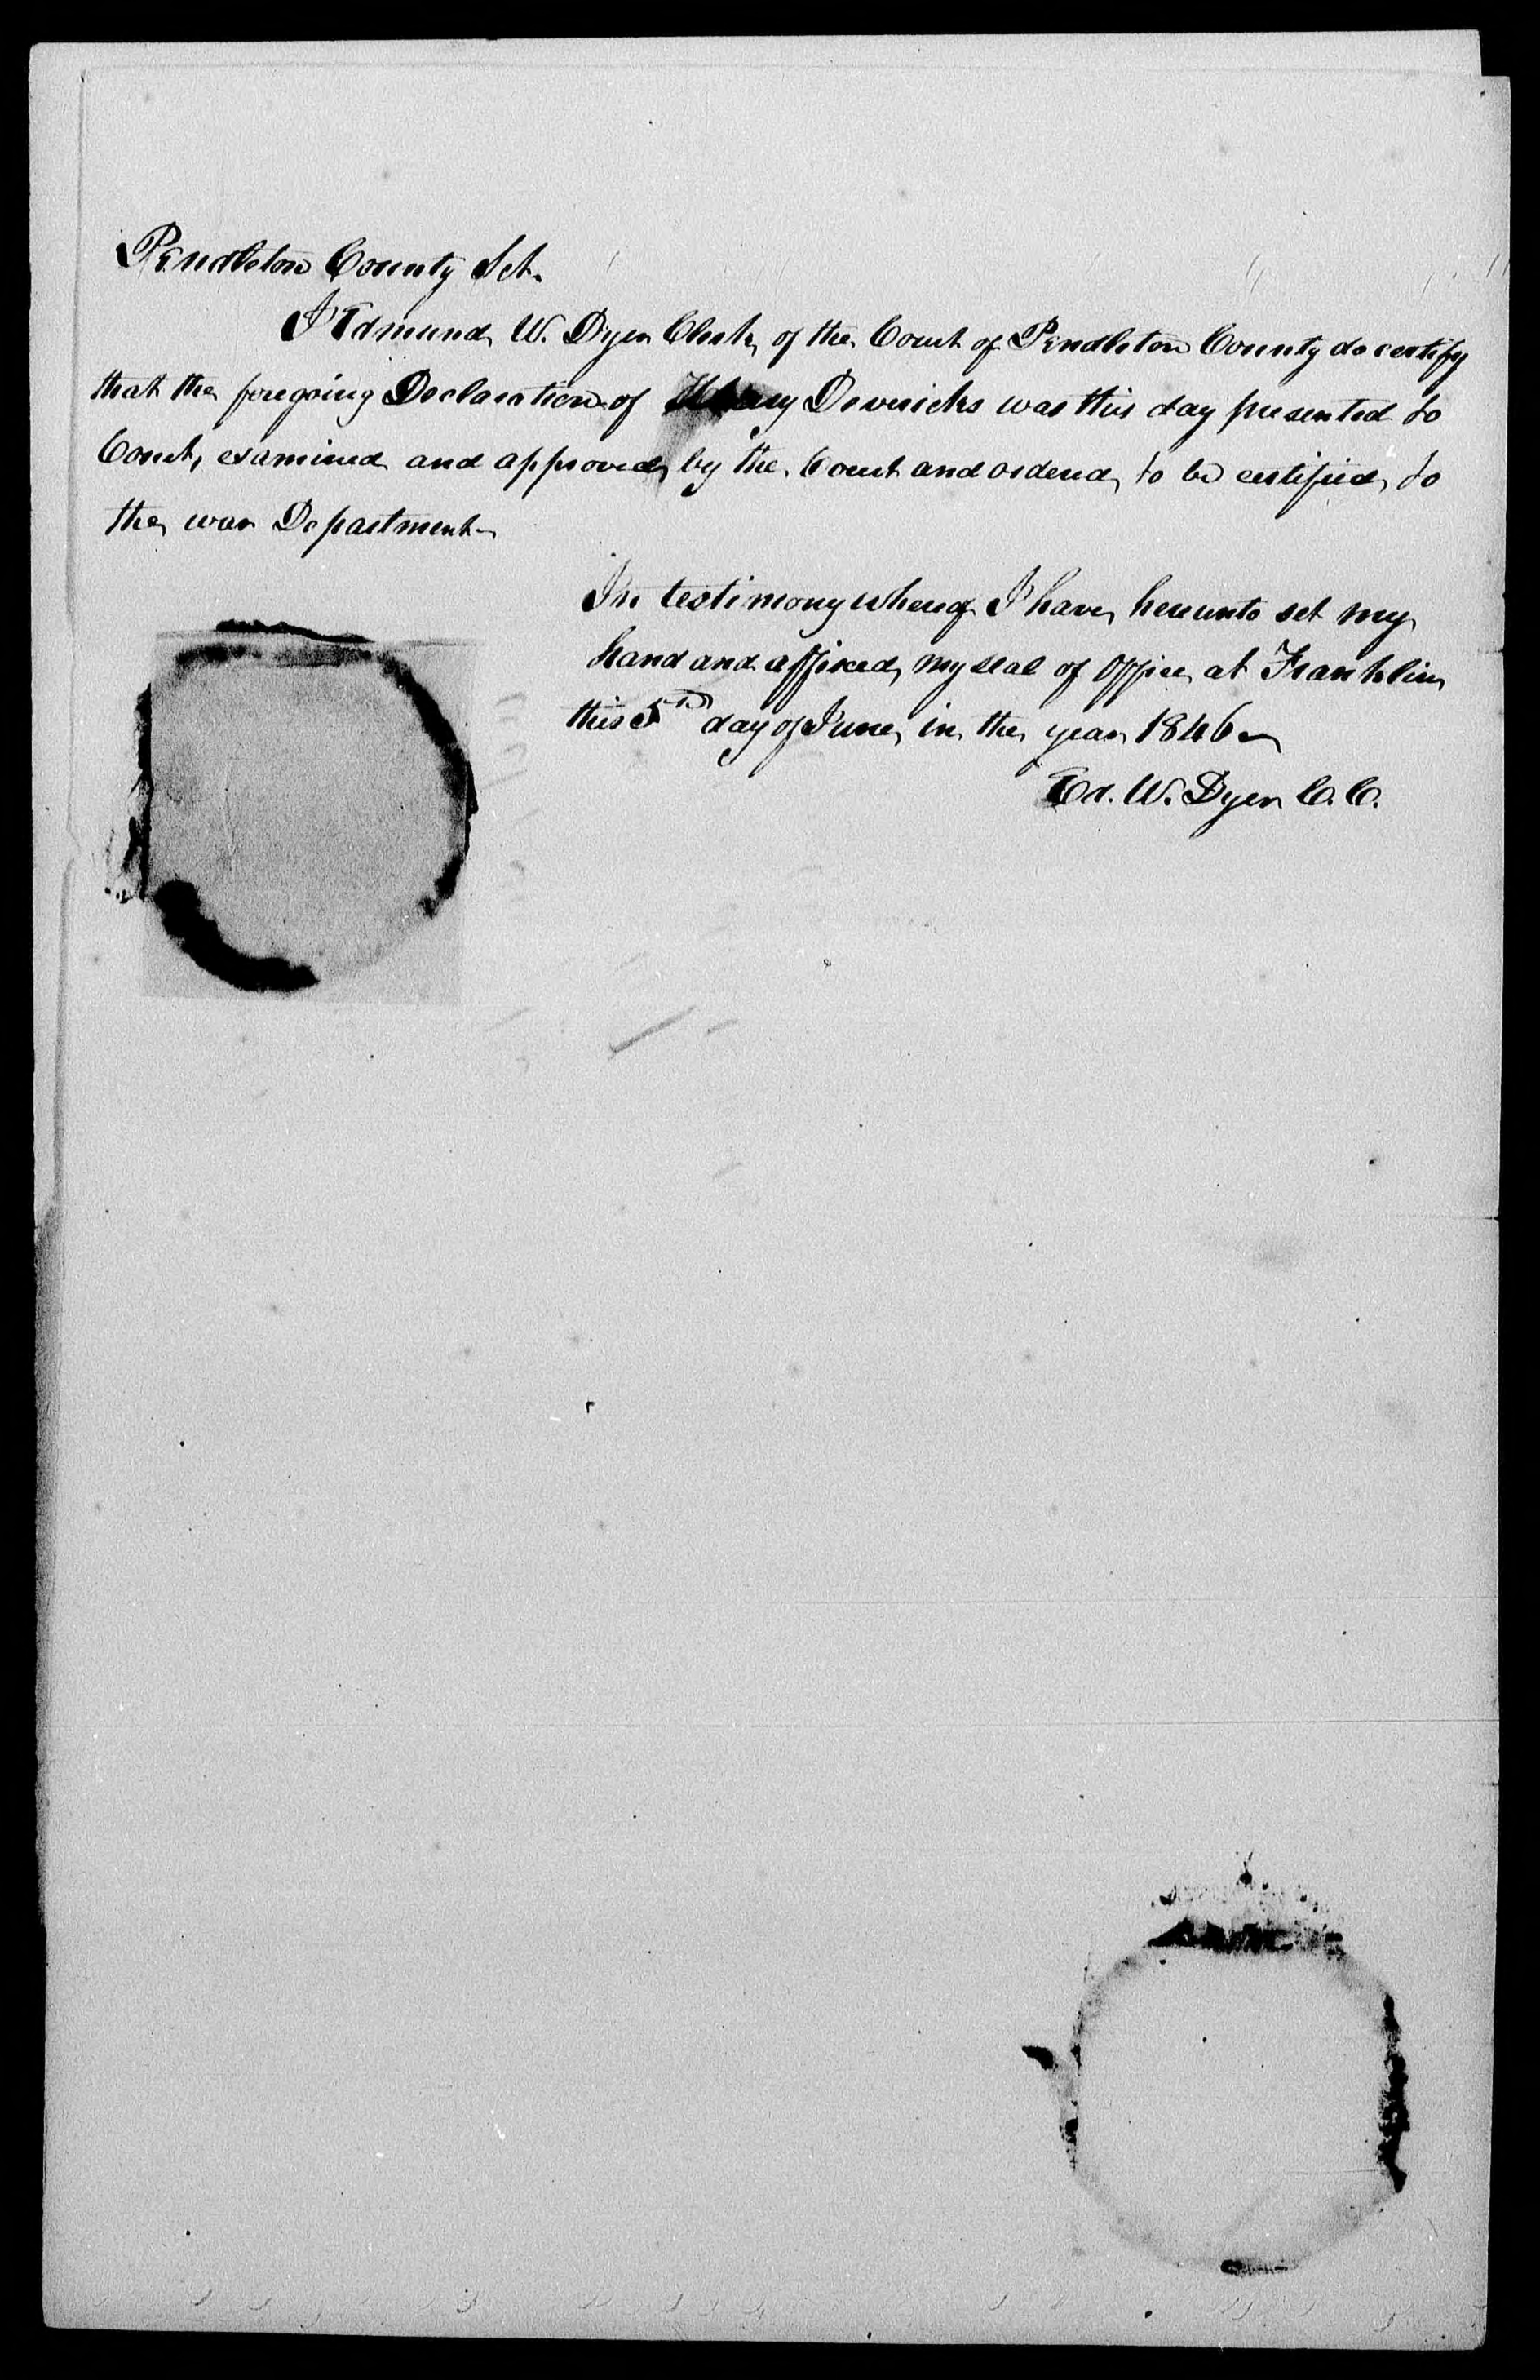Pendleton County [illegible]
I Edmund W. Dyer Clerk of the Court of Pendleton County do certify that the foregoing Declaration of Mary Devericks was this day presented to Court, examined and approved by the Court and ordered to be [illegible] to the war Department

In testimony whereof I have hereunto set my hand and affixed my seal of Office at Franklin this 5th day of June, in the year 1846
Ed. W. Dyer C. C.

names: Harry Devericks, Ed W Dyer, Edward W Dyer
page: 26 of 35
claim: widow's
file: W 7007, John Devericks, Va.